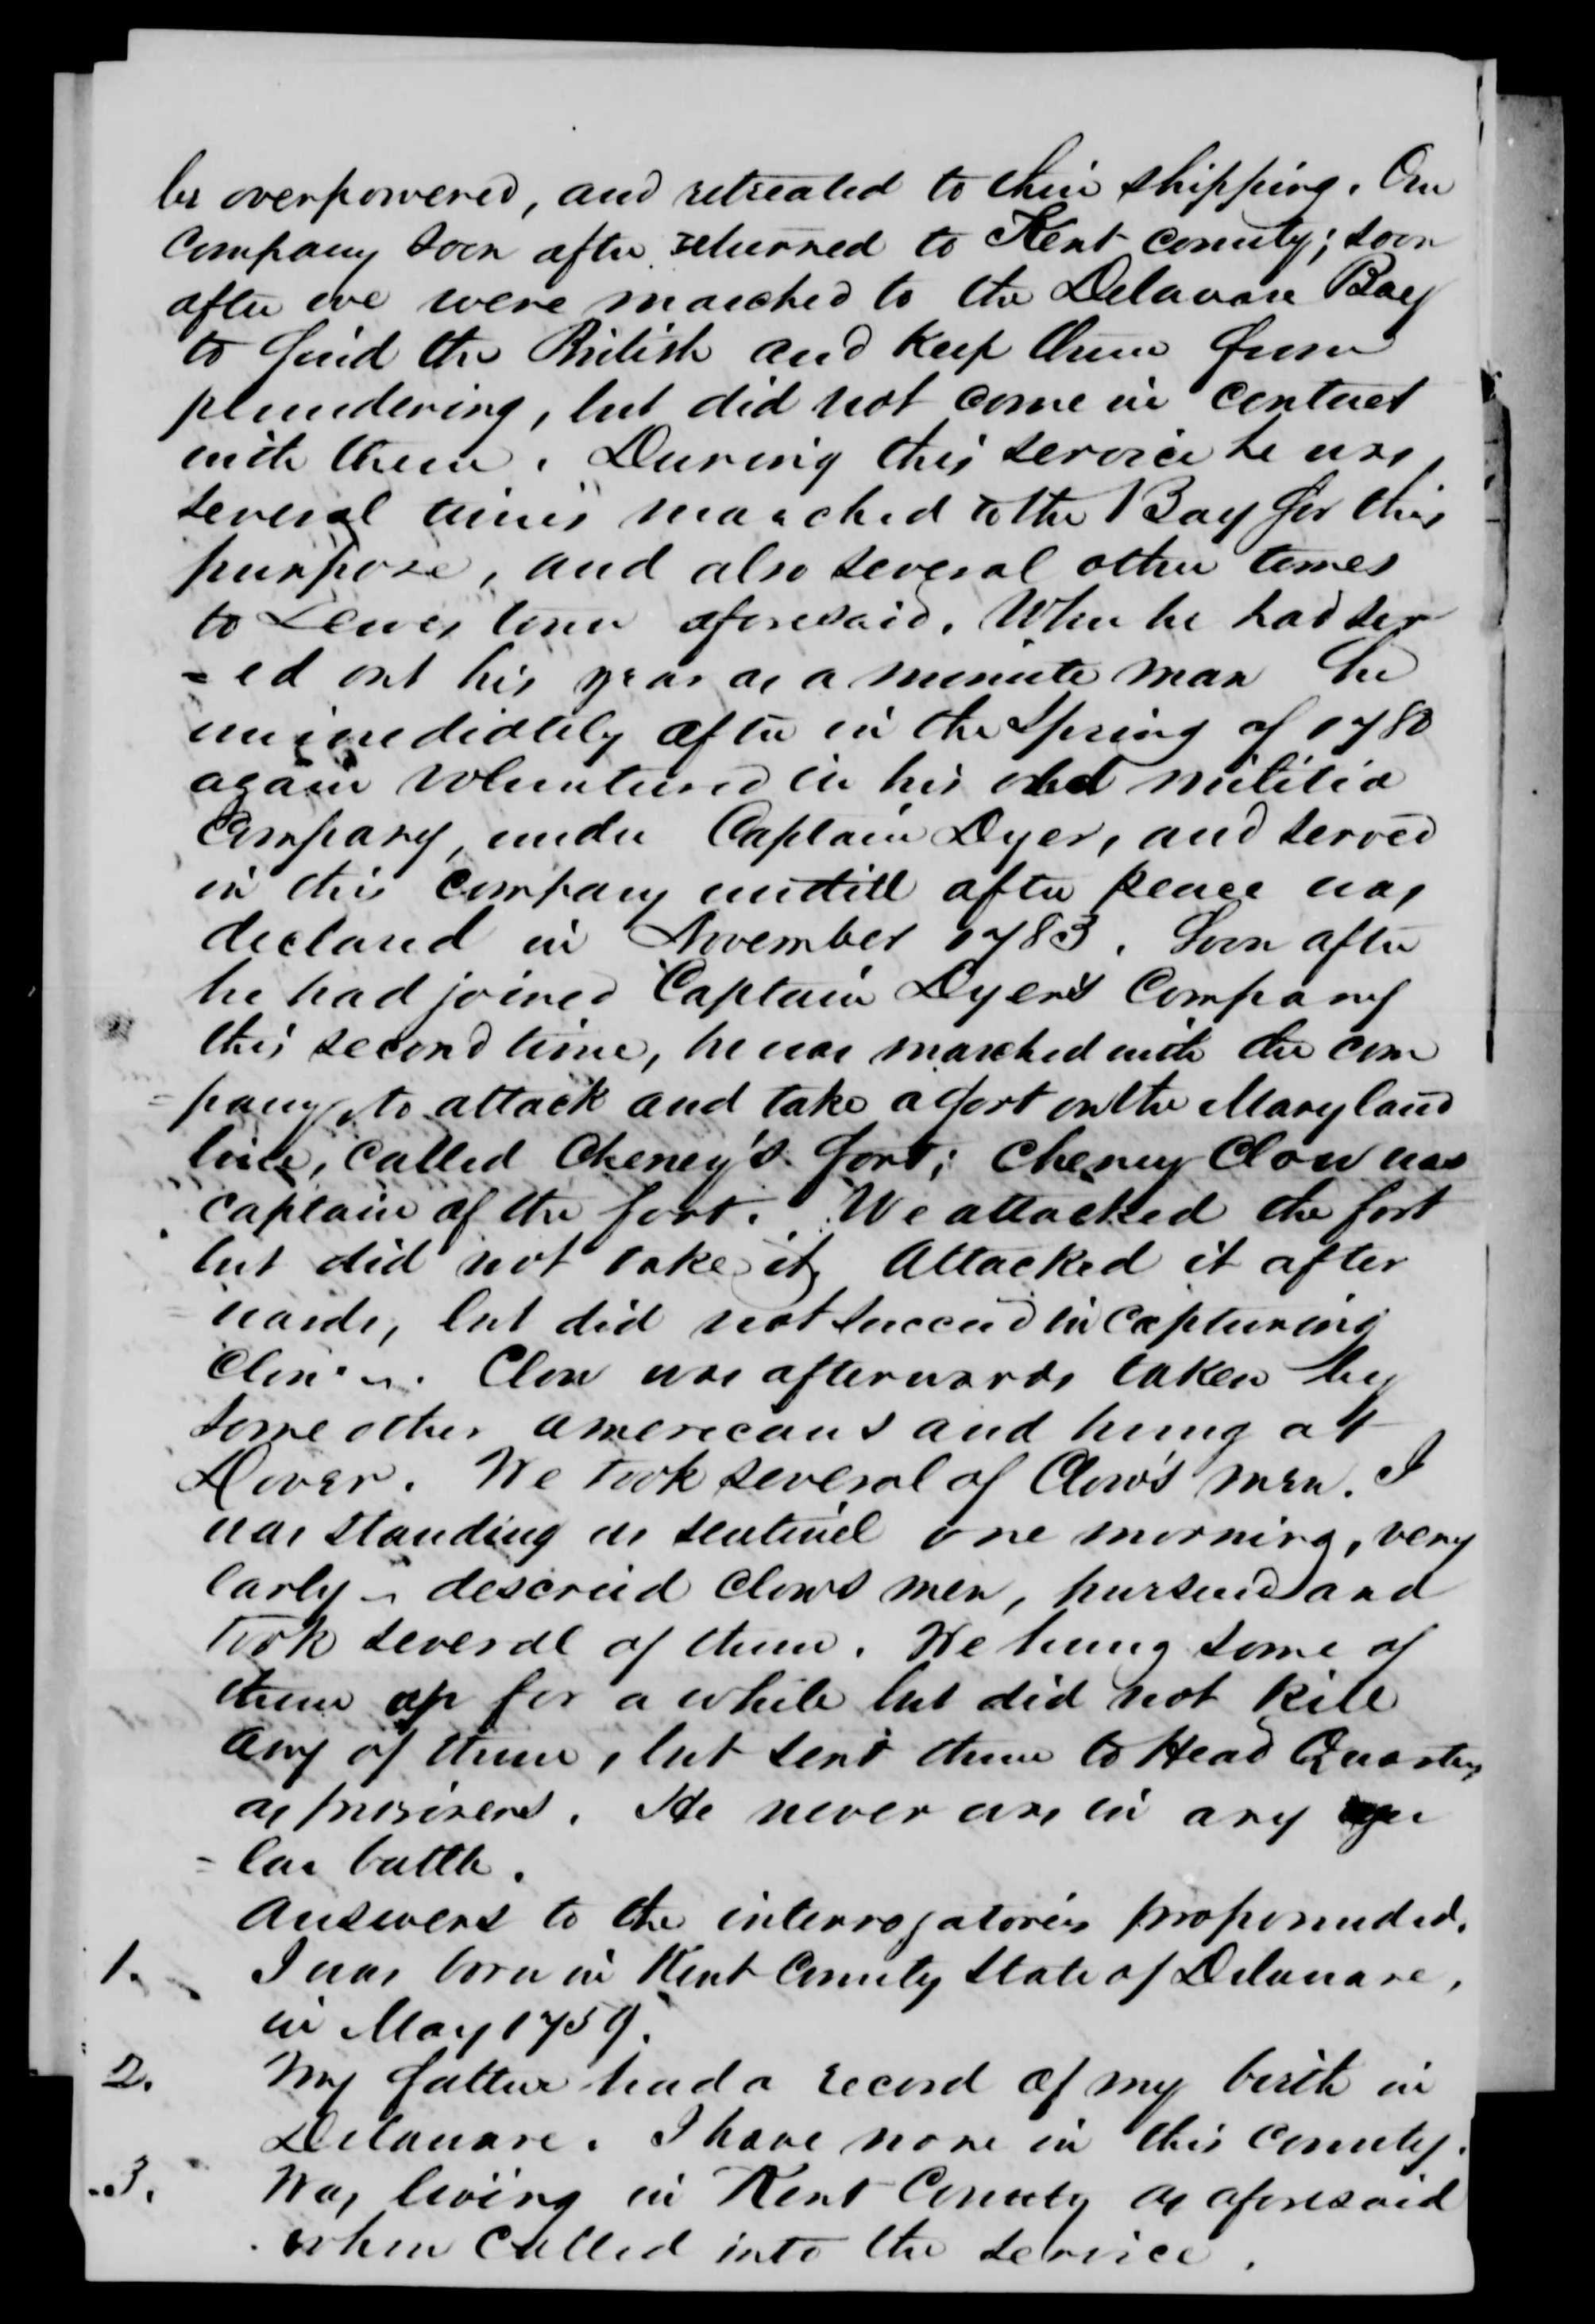by overpowered, and retreated to their shipping. One company soon after returned to Kent County; soon after we were marched to the Delaware Bay to [illegible] the British and keep them from plundering, but did not come in contact with them. During this service he was several times marched to the Bay for the
purpose, and also several other times to Lewes town aforesaid. When he had ser-ed out his year as a minute man he immediately after in the Spring of 1780 again volunteered in his old militia Company, under Captain Dyer, and served in this company untill after peace was declared in November 1783. Soon after he had joined Captain Dyers Company this second time, he was marched with the com=pany to attack and take a fort on the Maryland line, called Cheney's fort; Cheney Clow was Captain of the fort. We attacked the fort but did not take it attacked it after=wards, but did not succeed in capturing
Clow's. Clow was afterwards taken by
some other Americans and hung at Dover. We took several of Clow's men. I was standing as sentinel one morning, very early - descried Clows men, pursued and took several of them. We hung some of them up for a while but did not kill any of them, but sent there to Head Quarters as prisoners. He never was in any [illegible]-las battle.
Answers to the interrogatories propounded.
1. I was born in Kent County State of Delaware,
in May 1759
2. My father had a record of my birth in Delaware. I have none in this County.
3. Was living in Kent County as aforesaid
when called into the service.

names: Cheney Clow; Cheney Clow; [BLANK] Dyer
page: 3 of 33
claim: rejected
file: R. 9635, for Thomas Skinner, Delaware